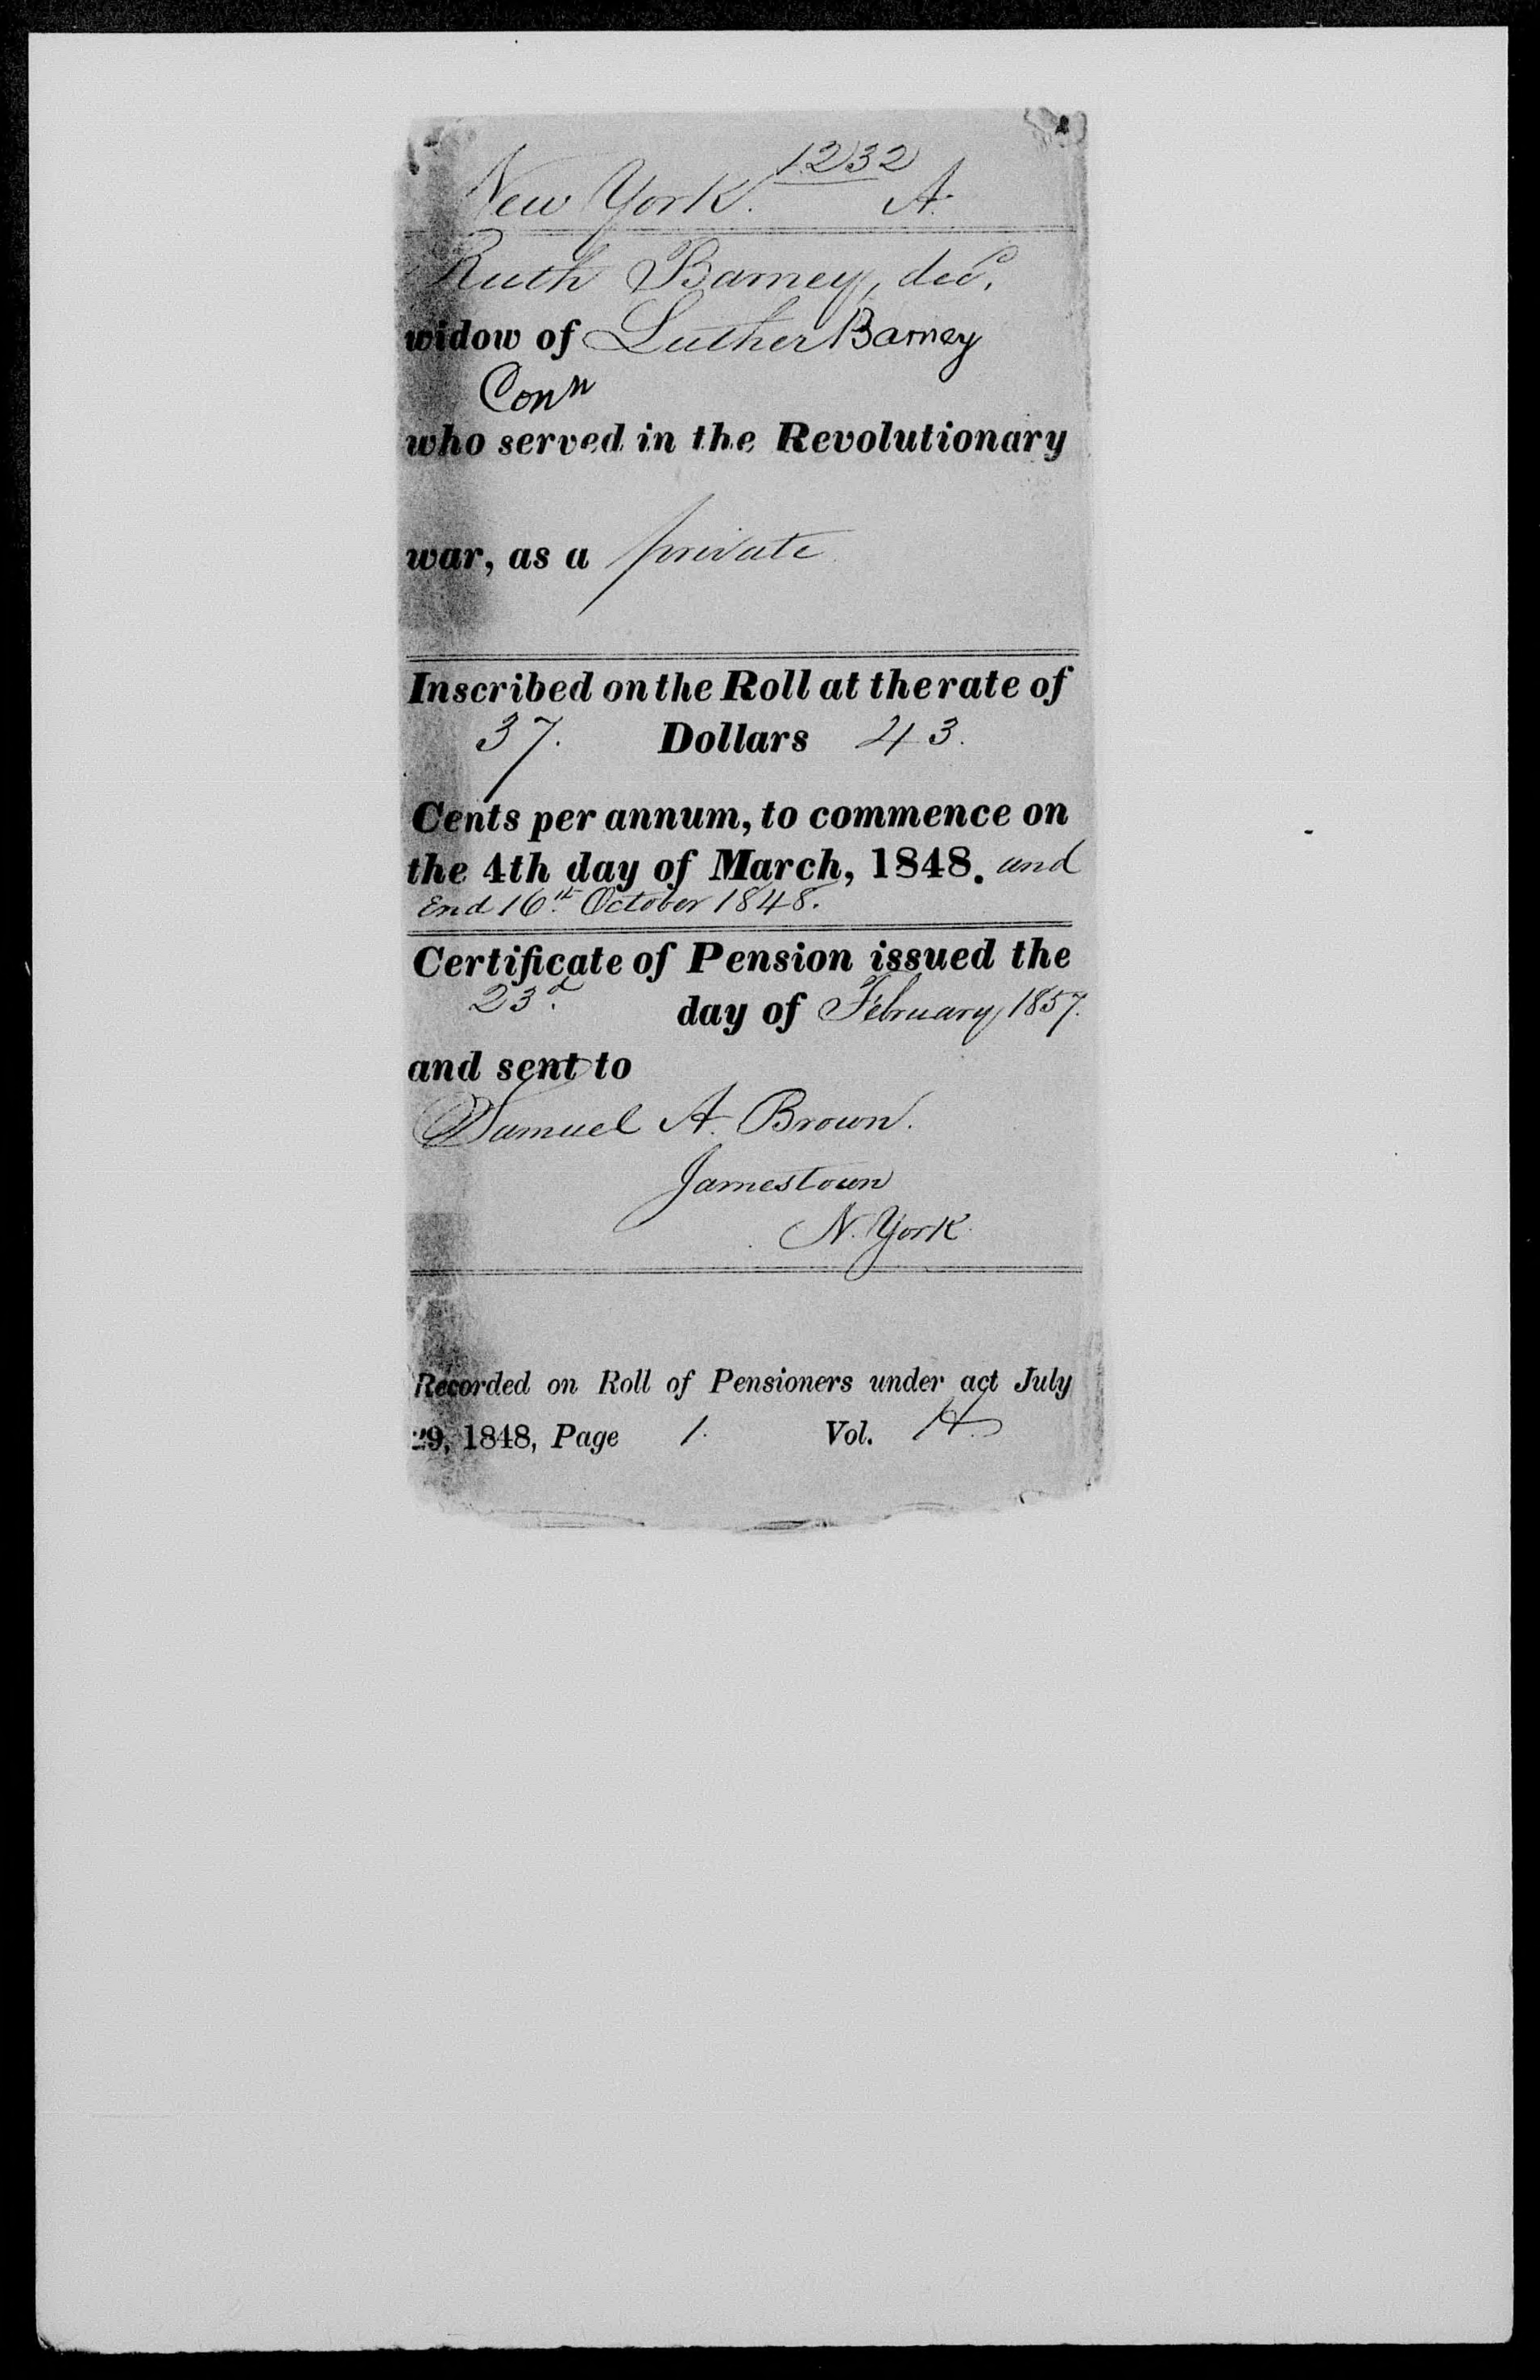New York 1232 A.

Ruth Barney, decd
widow of Luther Barney [last name in different hand]
Conn
who served in the Revolutionary war, as a private

Inscribed on the Roll at the rate of 37 Dollars 43 Cents per annum, to commence on
the 4th day of March, 1848. and end 16th October 1848.

Certificate of Pension issued the 23d. day of February 1857 and sent to
Samuel A. Brown
Jamestown
N. York

Recorded on Roll of Pensioners under act July 29, 1848, Page 1 Vol. H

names: Luther Barney, Samuel A Brown, Ruth Barney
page: 13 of 61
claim: widow's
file: W. 4.124, Luther Barney, Conn. Privateer.